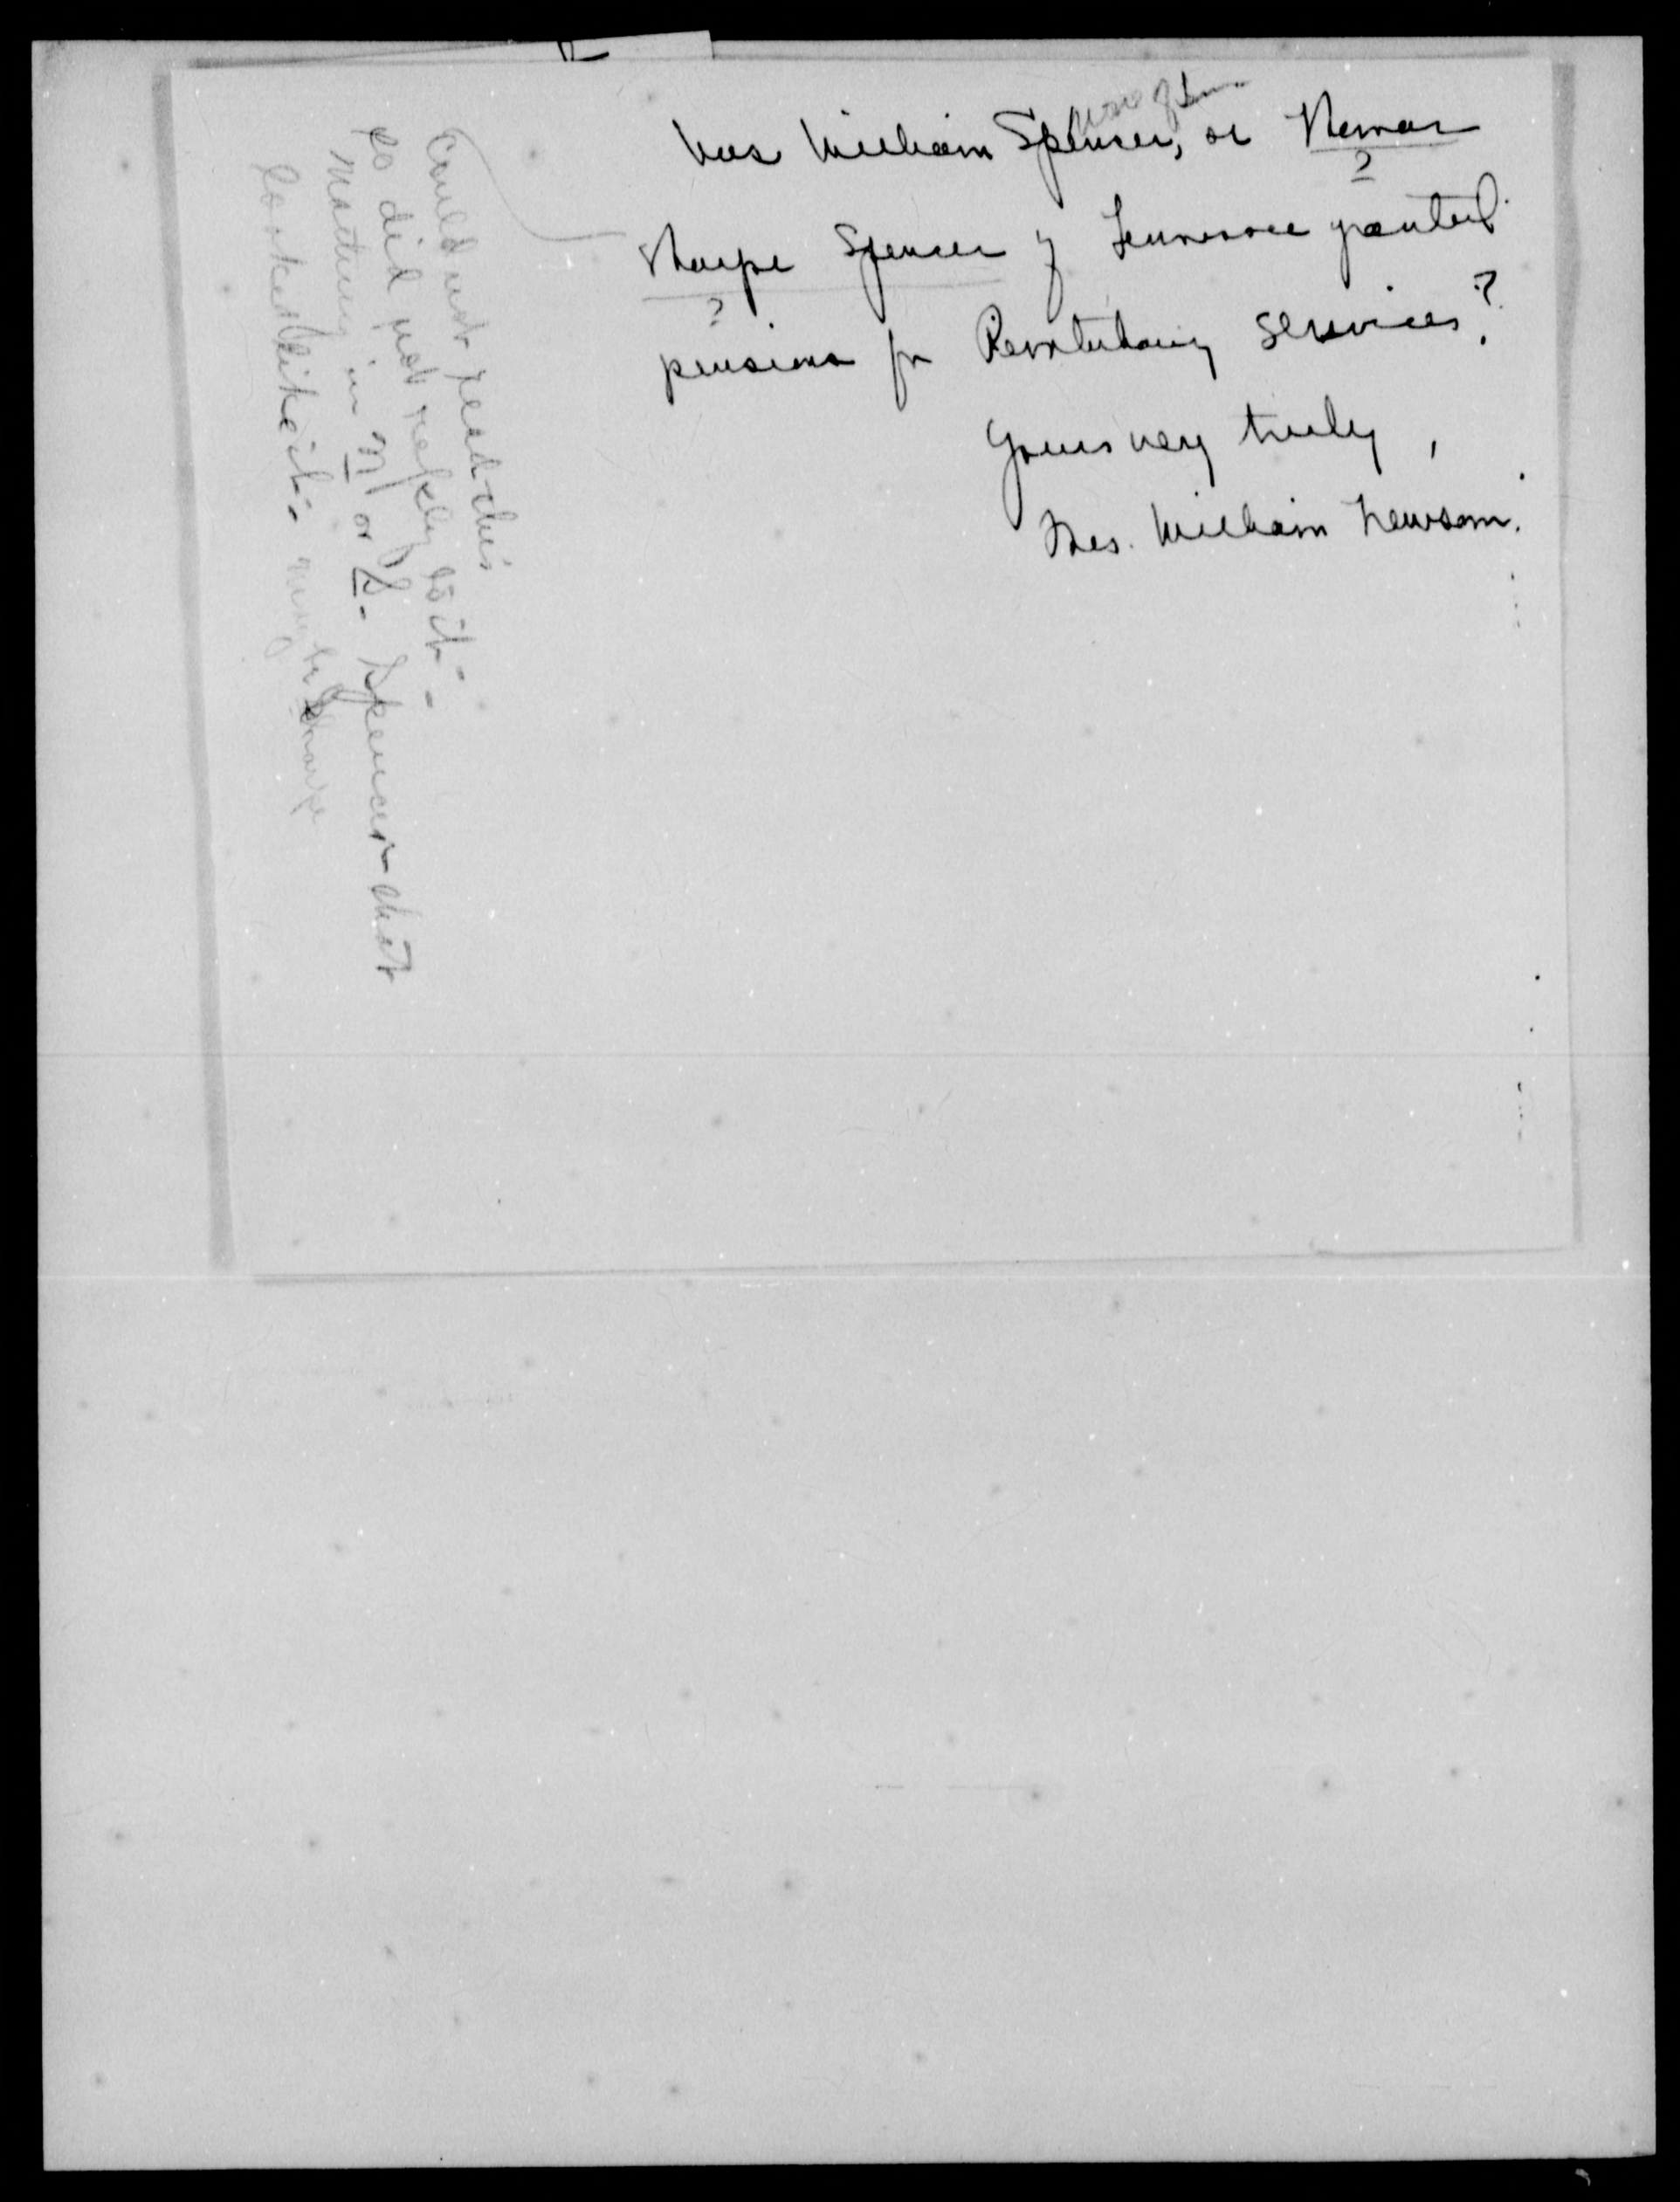has William Spencer, (none of Tenn.) or Newar
Thorpe Spencer of
Tennessee granted
pension for Revolutionary services

yours very truly
Mrs. William Newsom

[sideways]
could not read this
so did not reply to it
nothing in N or S Spencer that
looked like it maybe Sharpe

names: Thomas Spencer; Thorpe Spencer; W Spencer; William Newsom; William Spencer; S Spencer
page: 26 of 63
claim: widow's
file: W. 6158, for Benjamin Spencer, North Carolina